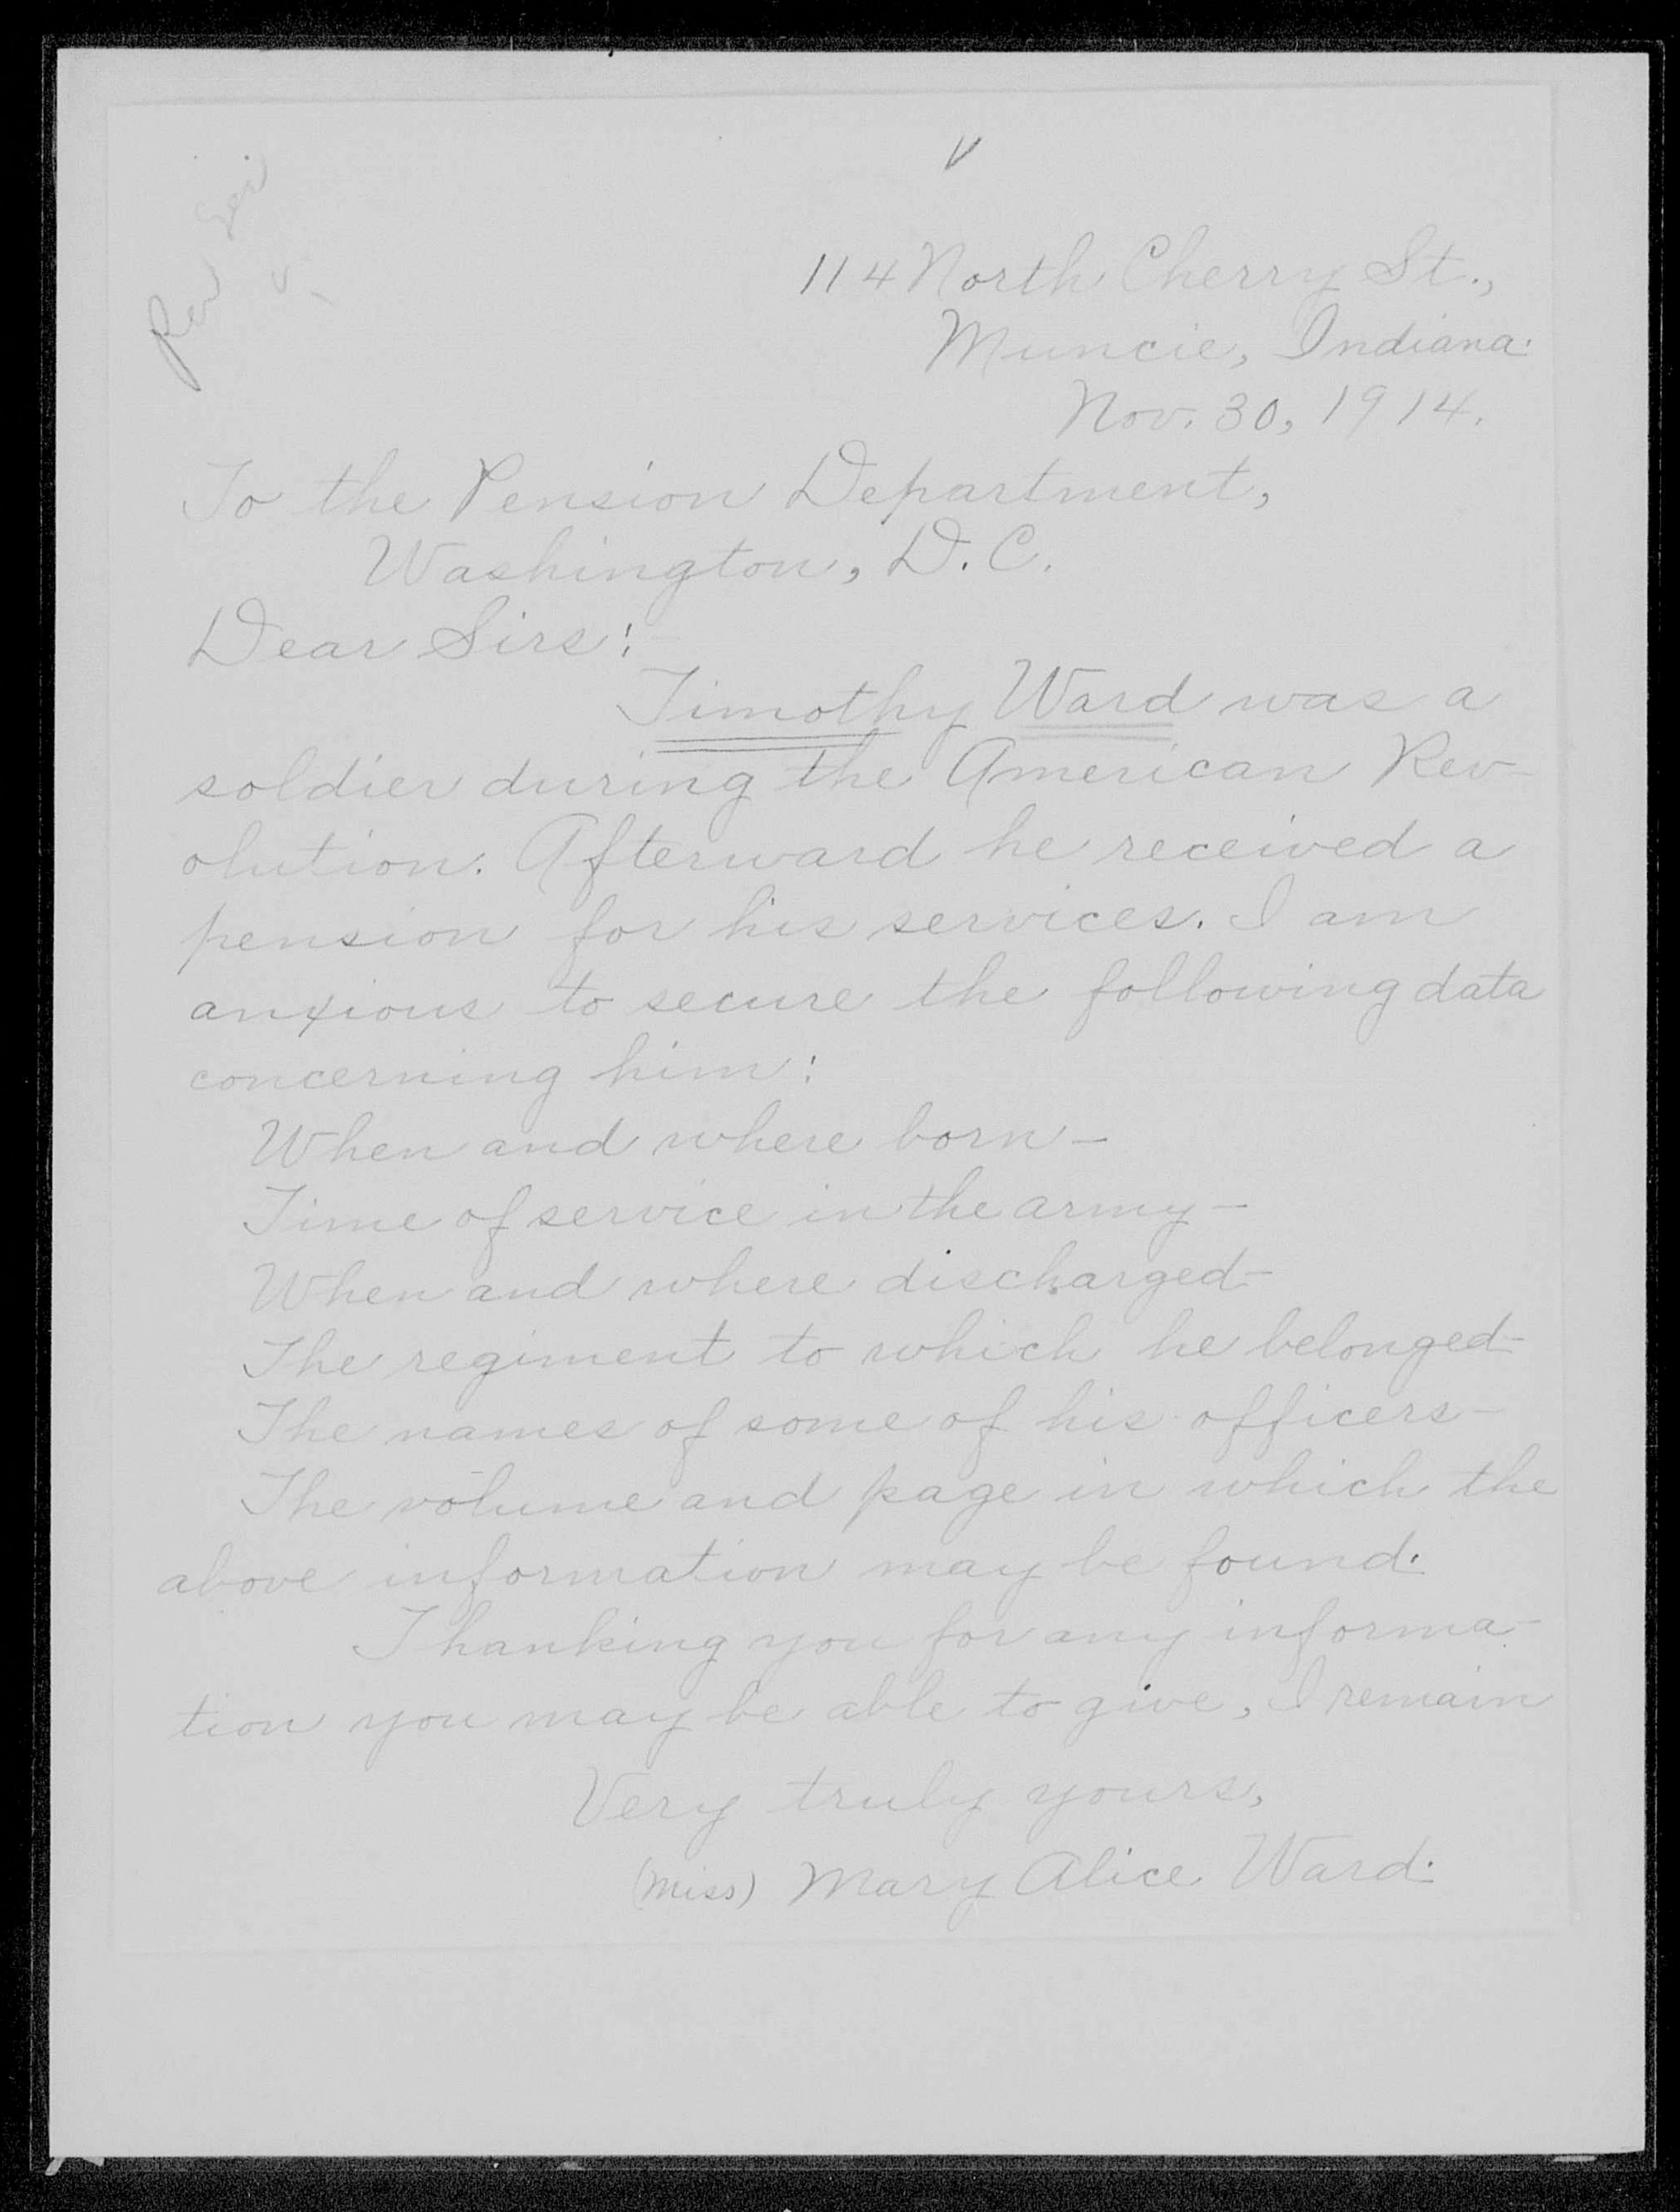Rev Ser
114 North Cherry St.,
Muncie, Indiana 
Nov. 30, 1914 

To the Pension Department, 
Washington, D.C. 

Dear Sirs: 
Timothy Ward was a soldier during the American Revolution.  Afterward he received a pension for his services. I am anxious to secure the following date concerning him: 
When and where born --
Time of service in the army- 
When and where discharged- 
The regiment to which he belonged -- 
The names of some of his officers- 
The volume and page in which the above information may be found. 

Thanking you for any information you may be able to give, I remain 
Very truly yours, 
(Miss) Mary Alice Ward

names: Timothy Ward, Mary Alice Ward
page: 11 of 24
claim: survivor's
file: S. 17751, Timothy Ward, New Jersey